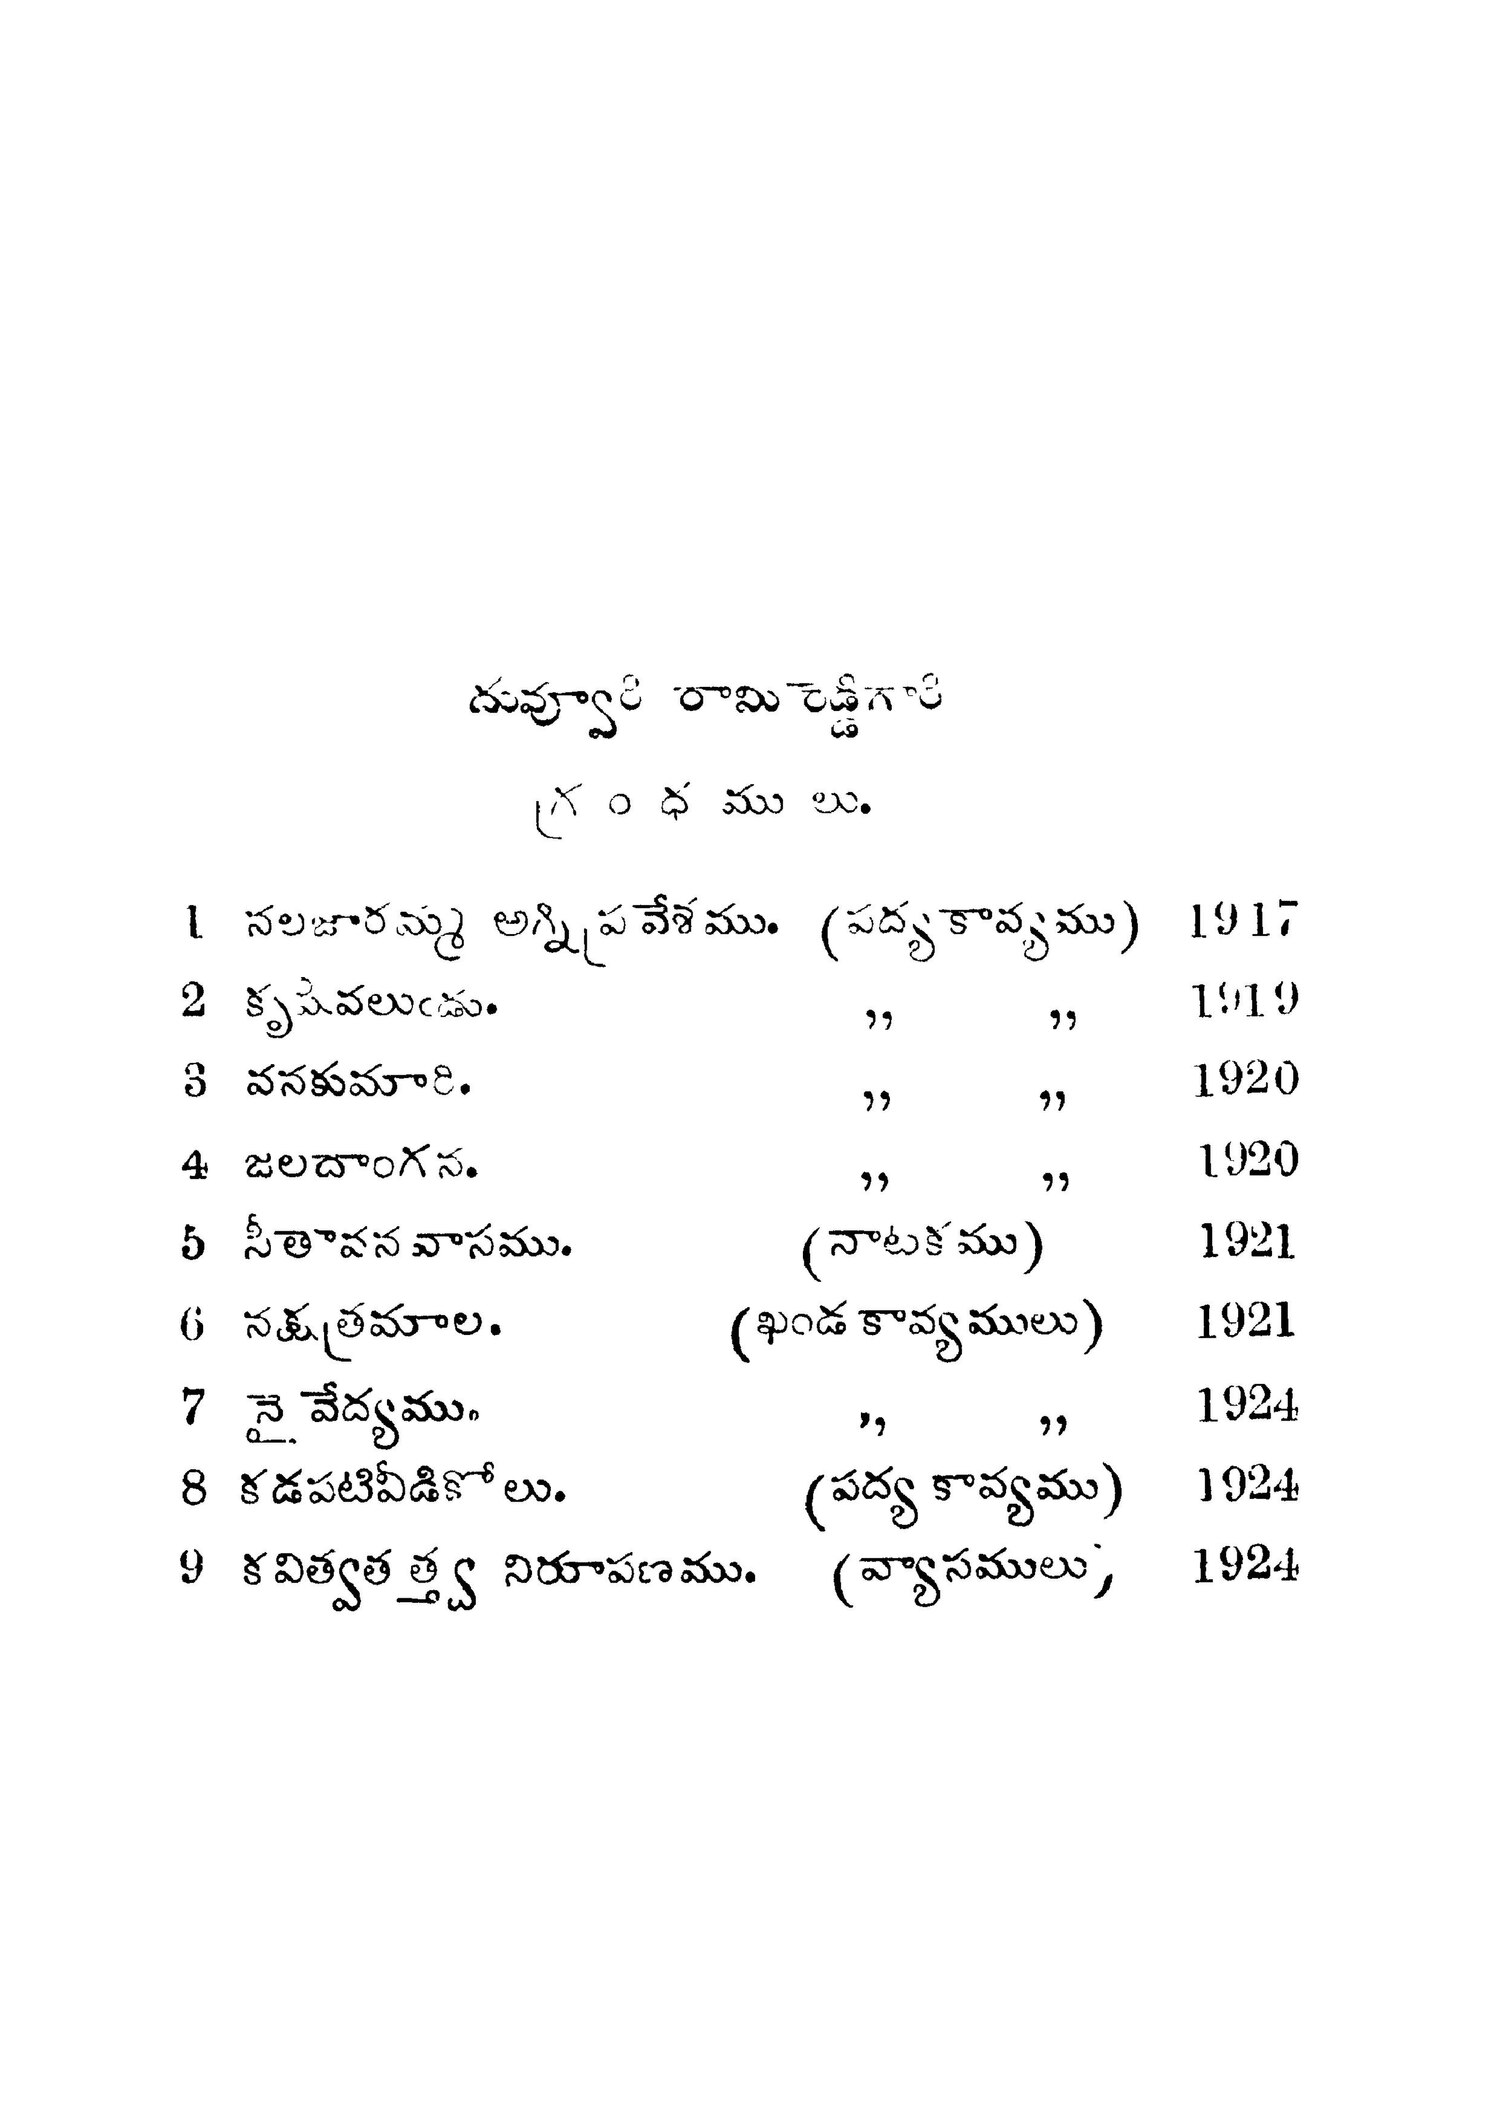1. నలజారమ్మ అగ్నిప్రవేశము. (పద్యకావ్యము) 1917 2. కృషీవలుడు. (పద్యకావ్యము) 1919 3. వనకుమారి. (పద్యకావ్యము) 1920 4. జలదాంగన. (పద్యకావ్యము) 1920 5. సీతావనవాసము. (నాటకము) 1921 6. నక్షత్రమాల. (ఖండకావ్యములు) 1921 7. నైవేద్యము. (ఖండకావ్యములు) 1924 8. కడపటి వీడికోలు. (పద్యకావ్యము) 1924 9. కవిత్వతత్త్వ నిరూపణము. (వ్యాసములు) 1924